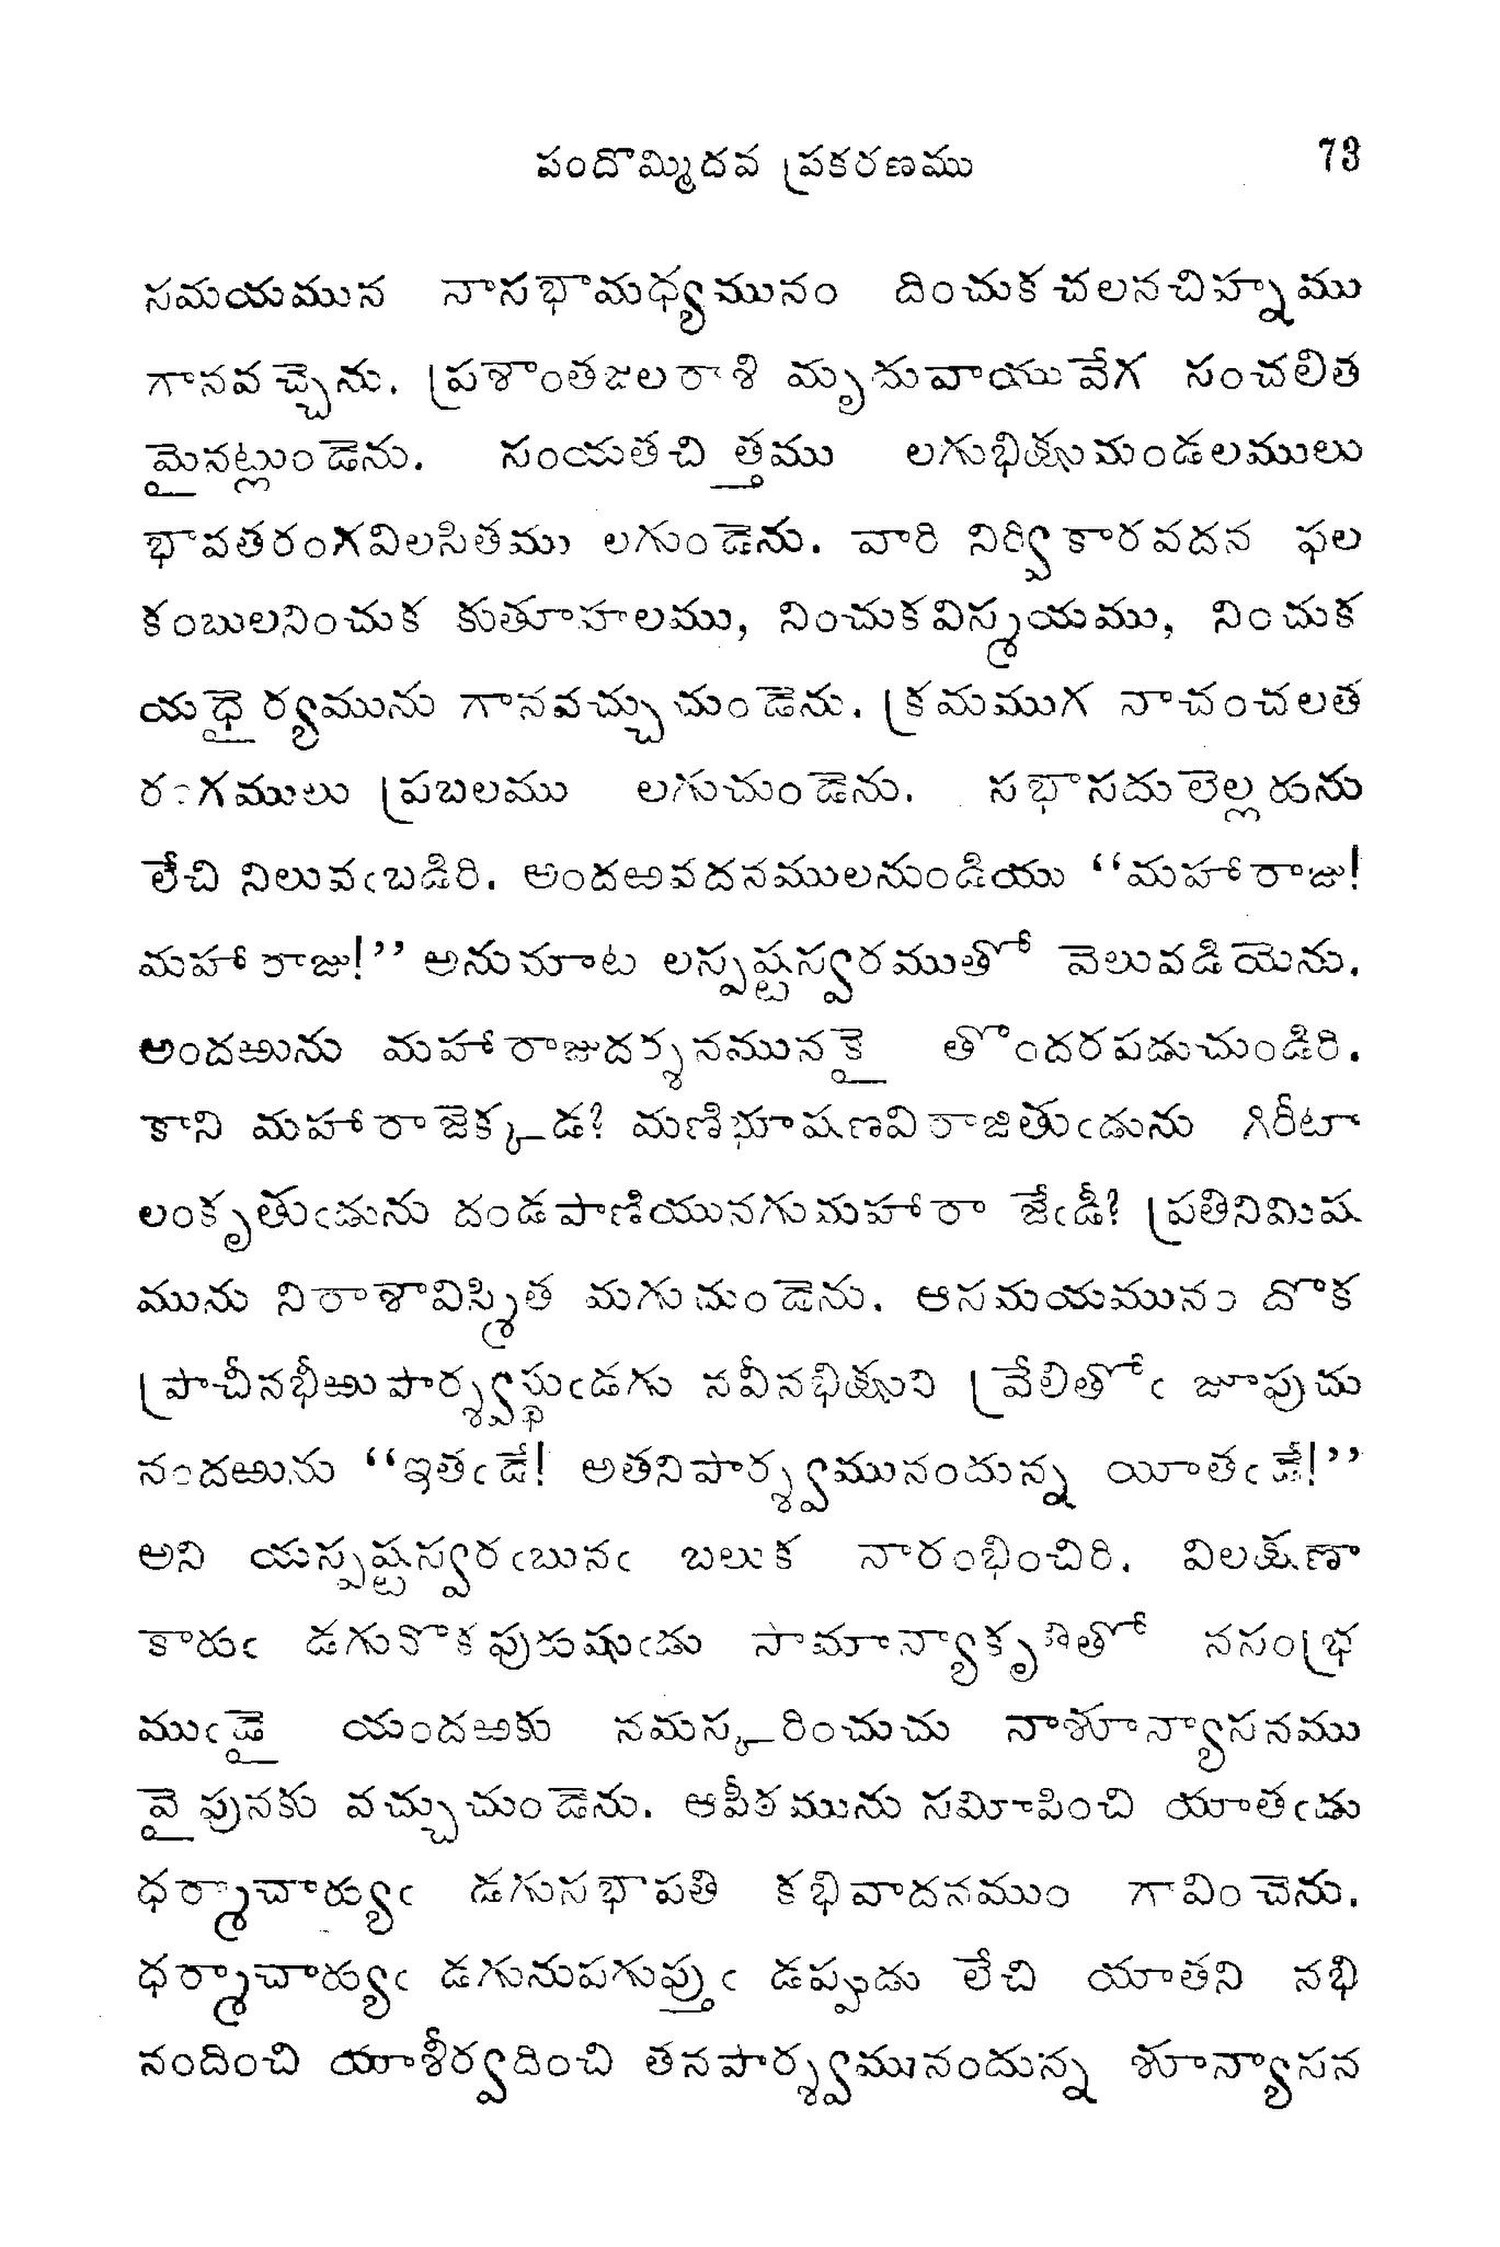సమయమున నాసభామధ్యమునం దించుక చలన చిహ్నము గానవచ్చెను. ప్రశాంతజల
రాశి మృదు వాయు వేగ సంచలిత మైనట్లుండెను. సంయత చిత్తము లగుభిక్షు మండలములు
భావతరంగవిలసితము లగుండెను. వారి నిర్వికార వదన ఫల కంబులనించుక కుతూహలము, నించుక విస్మయము, నించుక యధైర్యమును గానవచ్చుచుండెను. క్రమముగ నాచంచలత
రంగములు ప్రబలము లగుచుండెను. సభాసదులెల్లరును లేచి నిలువఁబడిరి. అందఱ వదనములనుండియు "మహారాజు! మహా రాజు! " అనుమాట లస్పష్టస్వరముతో వెలువడియెను. అందఱును మహా రాజుదర్శనమునకై తొందరపడుచుండిరి.కాని మహారాజెక్కడ? మణి భూషణవి రాజితుఁడును గిరీటా లంకృతుఁడును దండ పాణియునగు మహారా జేఁడీ? ప్రతినిమిషమును నిరాశా విస్మిత మగుచుండెను. ఆ సమయమునం దొక
ప్రాచీన భీఱు పార్శ్వస్థుఁడగు నవీన భిక్షుని వ్రేలితోఁ జూపుచు నందఱును “ఇతఁడే! అతని పార్శ్వమునందున్న యీతఁడే!” అని యస్పష్టస్వరంబునఁ బలుక నారంభించిరి. విలక్షణా
కారుఁ డగునోక పురుషుఁడు సామాన్యాకృతితో నసంభ్రముఁడై యందఱకు నమస్కరించుచు నాశూన్యాసనము వైపునకు వచ్చుచుండెను. ఆ పీఠమును సమీపించి యాతఁడు ధర్మాచార్యుఁ డగుసభాపతి కభివాదనముం గావించెను. ధర్మాచార్యుఁ డగునుపగుప్తుఁ డప్పుడు లేచి యాతని నభినందించి యాశీర్వదించి తన పార్శ్వమునందున్న శూన్యాసన